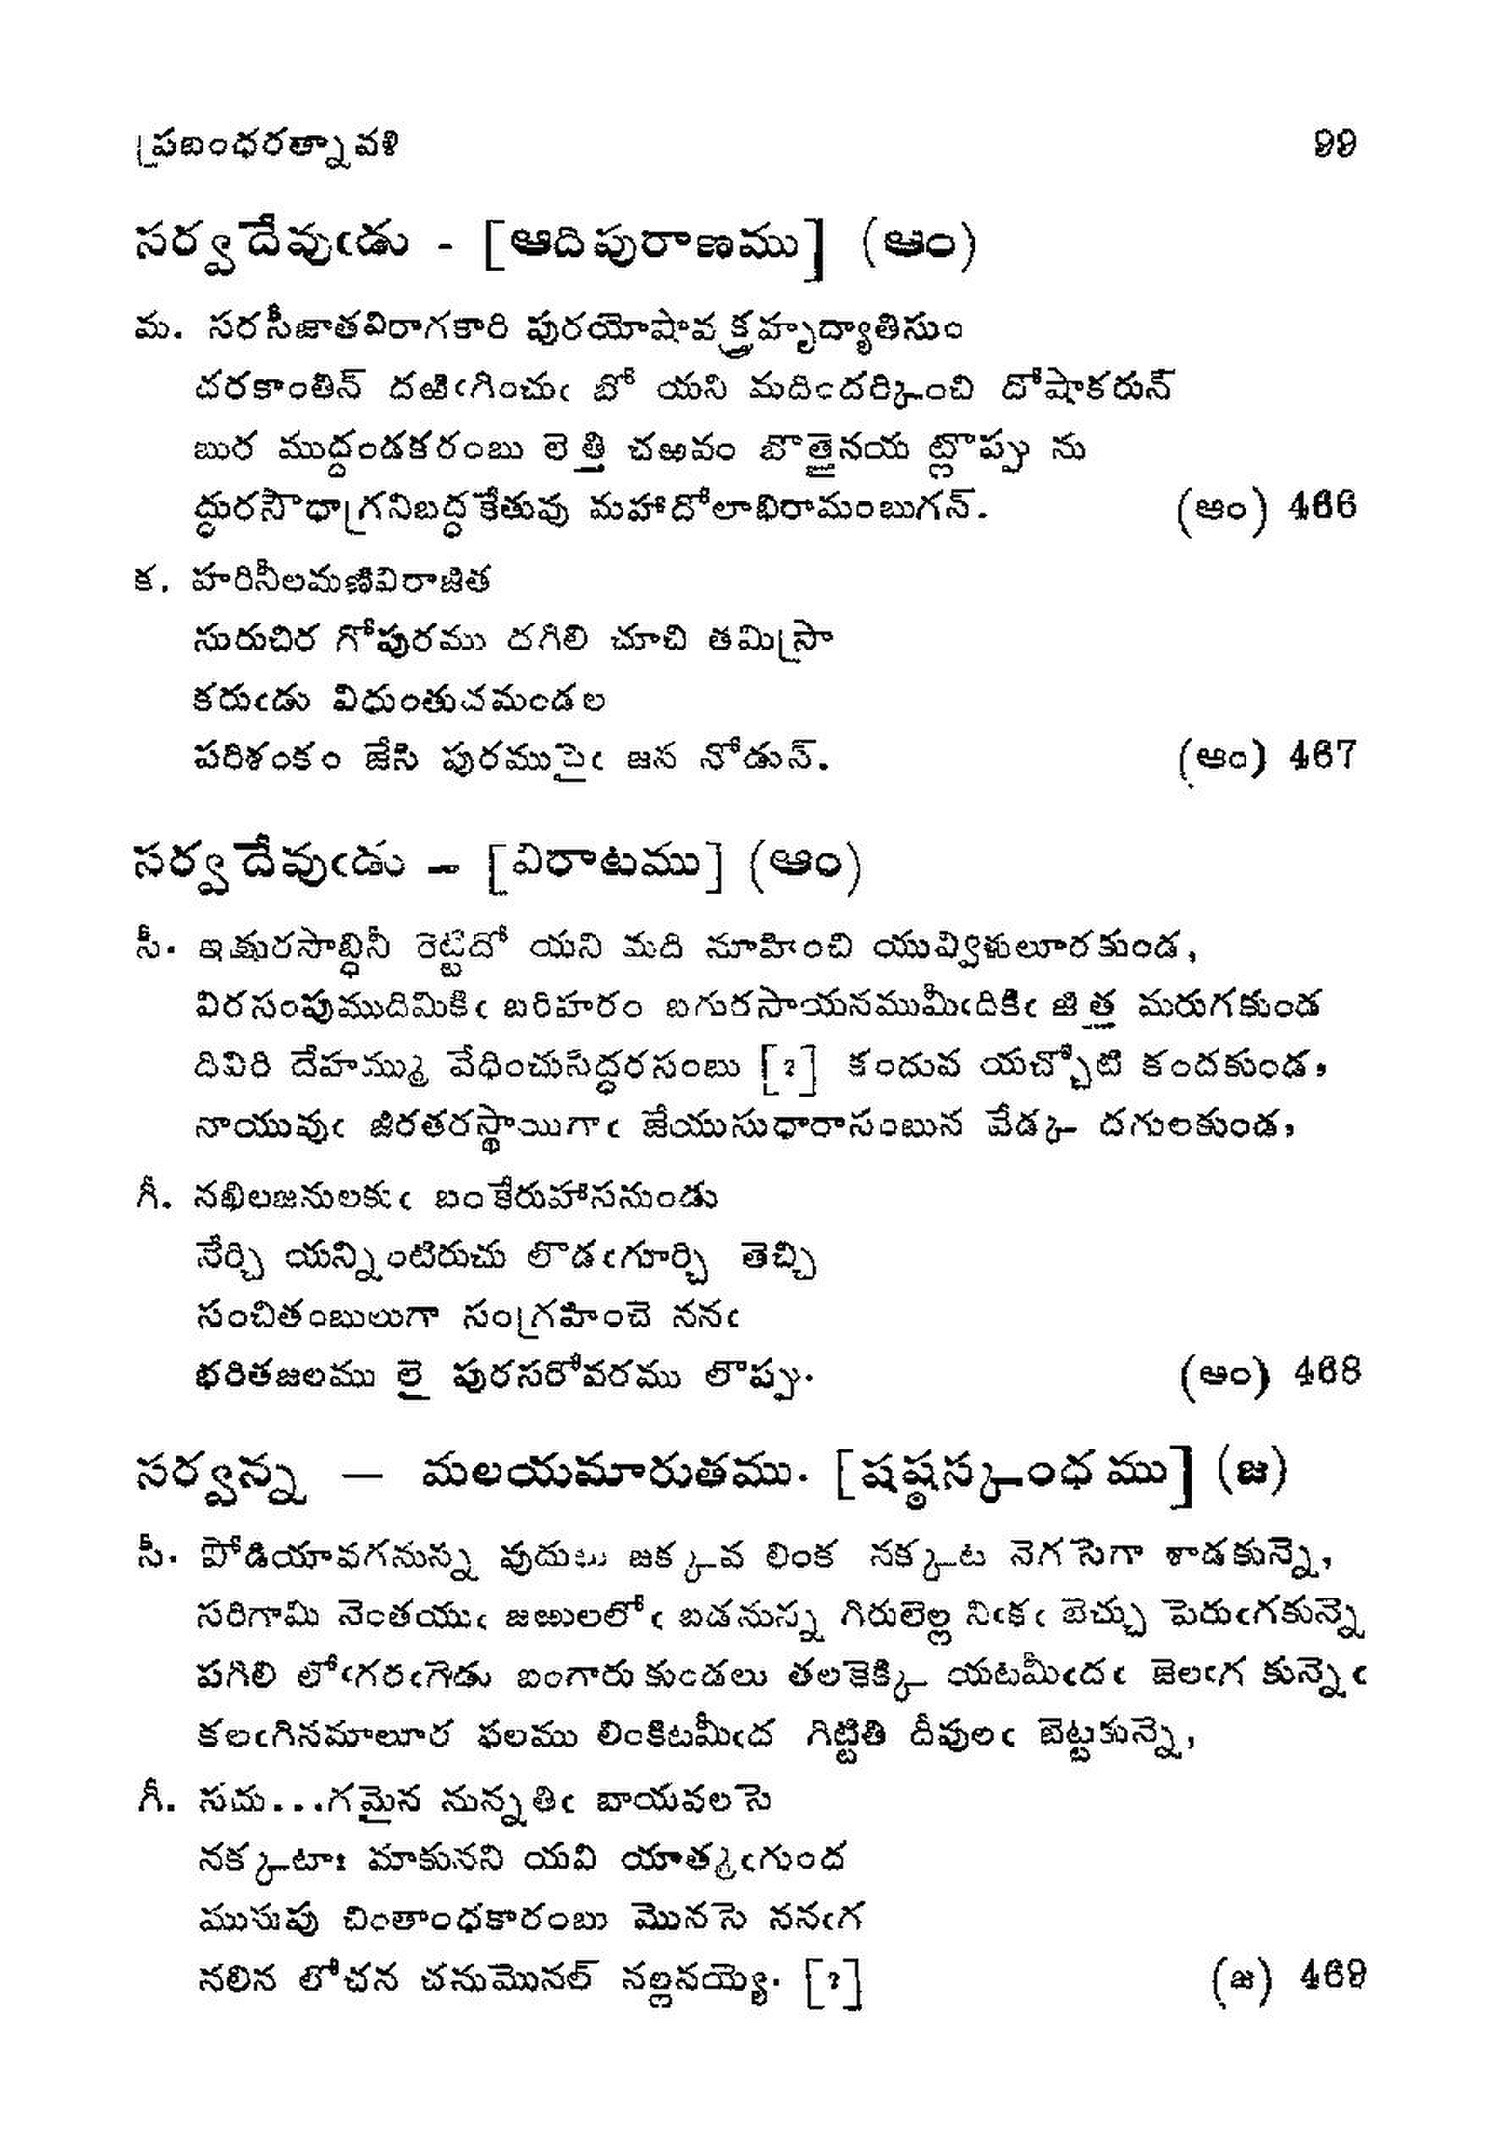సర్వదేవుఁడు [ఆదిపురాణము] (ఆం)
మ. సరసీజాతవిరాగకారి పురయోషావక్త్రహృద్యాతిసుం
దరకాంతిన్ దఱిఁగించు బో యని మదిం దర్కించి దోషాకరున్
బురముద్దండ కరంబు లెత్తి చఱవం బొత్తైనయట్లొప్పు ను
ద్ధుర సౌధాగ్రనిబద్ధకేతువు మహాదోలాభిరామంబుగన్. (ఆం) 466

క. హరినీలమణి విరాజిత
సురుచిర గోపురము దగిలి చూచి తమిస్రా
కరుఁడు విధుంతుదమండల
పరిశంకం జేసి పురముపైఁ జన నోడున్. (ఆం) 467

సర్వదేవుఁడు [విరాటము] (ఆం)
సీ. ఇక్షురసాబ్ధి నీరెట్టిదో యని మది నూహించి యువ్విళులూరకుండ
విరసంపుముదిమికిఁ బరిహరంబఁగు రసా యనముమీఁదికిఁ జిత్త మరుగకుండఁ
దివిరి దేహమ్ము వేధించు సిద్ధరసంబు[?] కందువ యచ్చోటి కందకుండ
నాయువుఁ జిరతరస్థాయిగాఁ జేయు సు ధారసంబున వేడ్కఁ దగులకుండ
గీ. నఖిలజనులకుఁ బంకేరుహాసనుండు
నేర్చి యన్నింట రుచులొడఁగూర్చి తెచ్చి
సంచితంబులుగా సంగ్రహించె ననఁగ
భరితజలములై పురసరోవరము లొప్పు. (ఆం) 468

సర్వన్న, మలయమారుతము [షష్ఠస్కంధము] (జ)
సీ. పోడియావగనున్న వుదులు జక్కవలింక నక్కట నెగసెగా శాడకున్నె,
సరిగామి నెంతయుఁ జఱులలోఁ బడనున్న గిరులెల్ల నిఁకఁ బెచ్చు పెరుగకున్నె
పగిలి లోఁగరఁగెడు బంగారు కుండలు తలకెక్కి యటమీఁదఁ జెలఁగ కున్నె
గలఁగినమాలూరఫలము లింకిట మీఁద గిట్టితి దీవులఁ బెట్టకున్నె
తే. సదు...గ మైన నున్నతిఁ బాయవలసె
నక్కటా! మాకు నని యమి యాత్మఁగుంద
మునుపుఁ చింతాంధకారంబు మొనసె ననఁగ
నలిన లోచన చనుమొనల్ నల్లనయ్యె. [?] (జ) 469